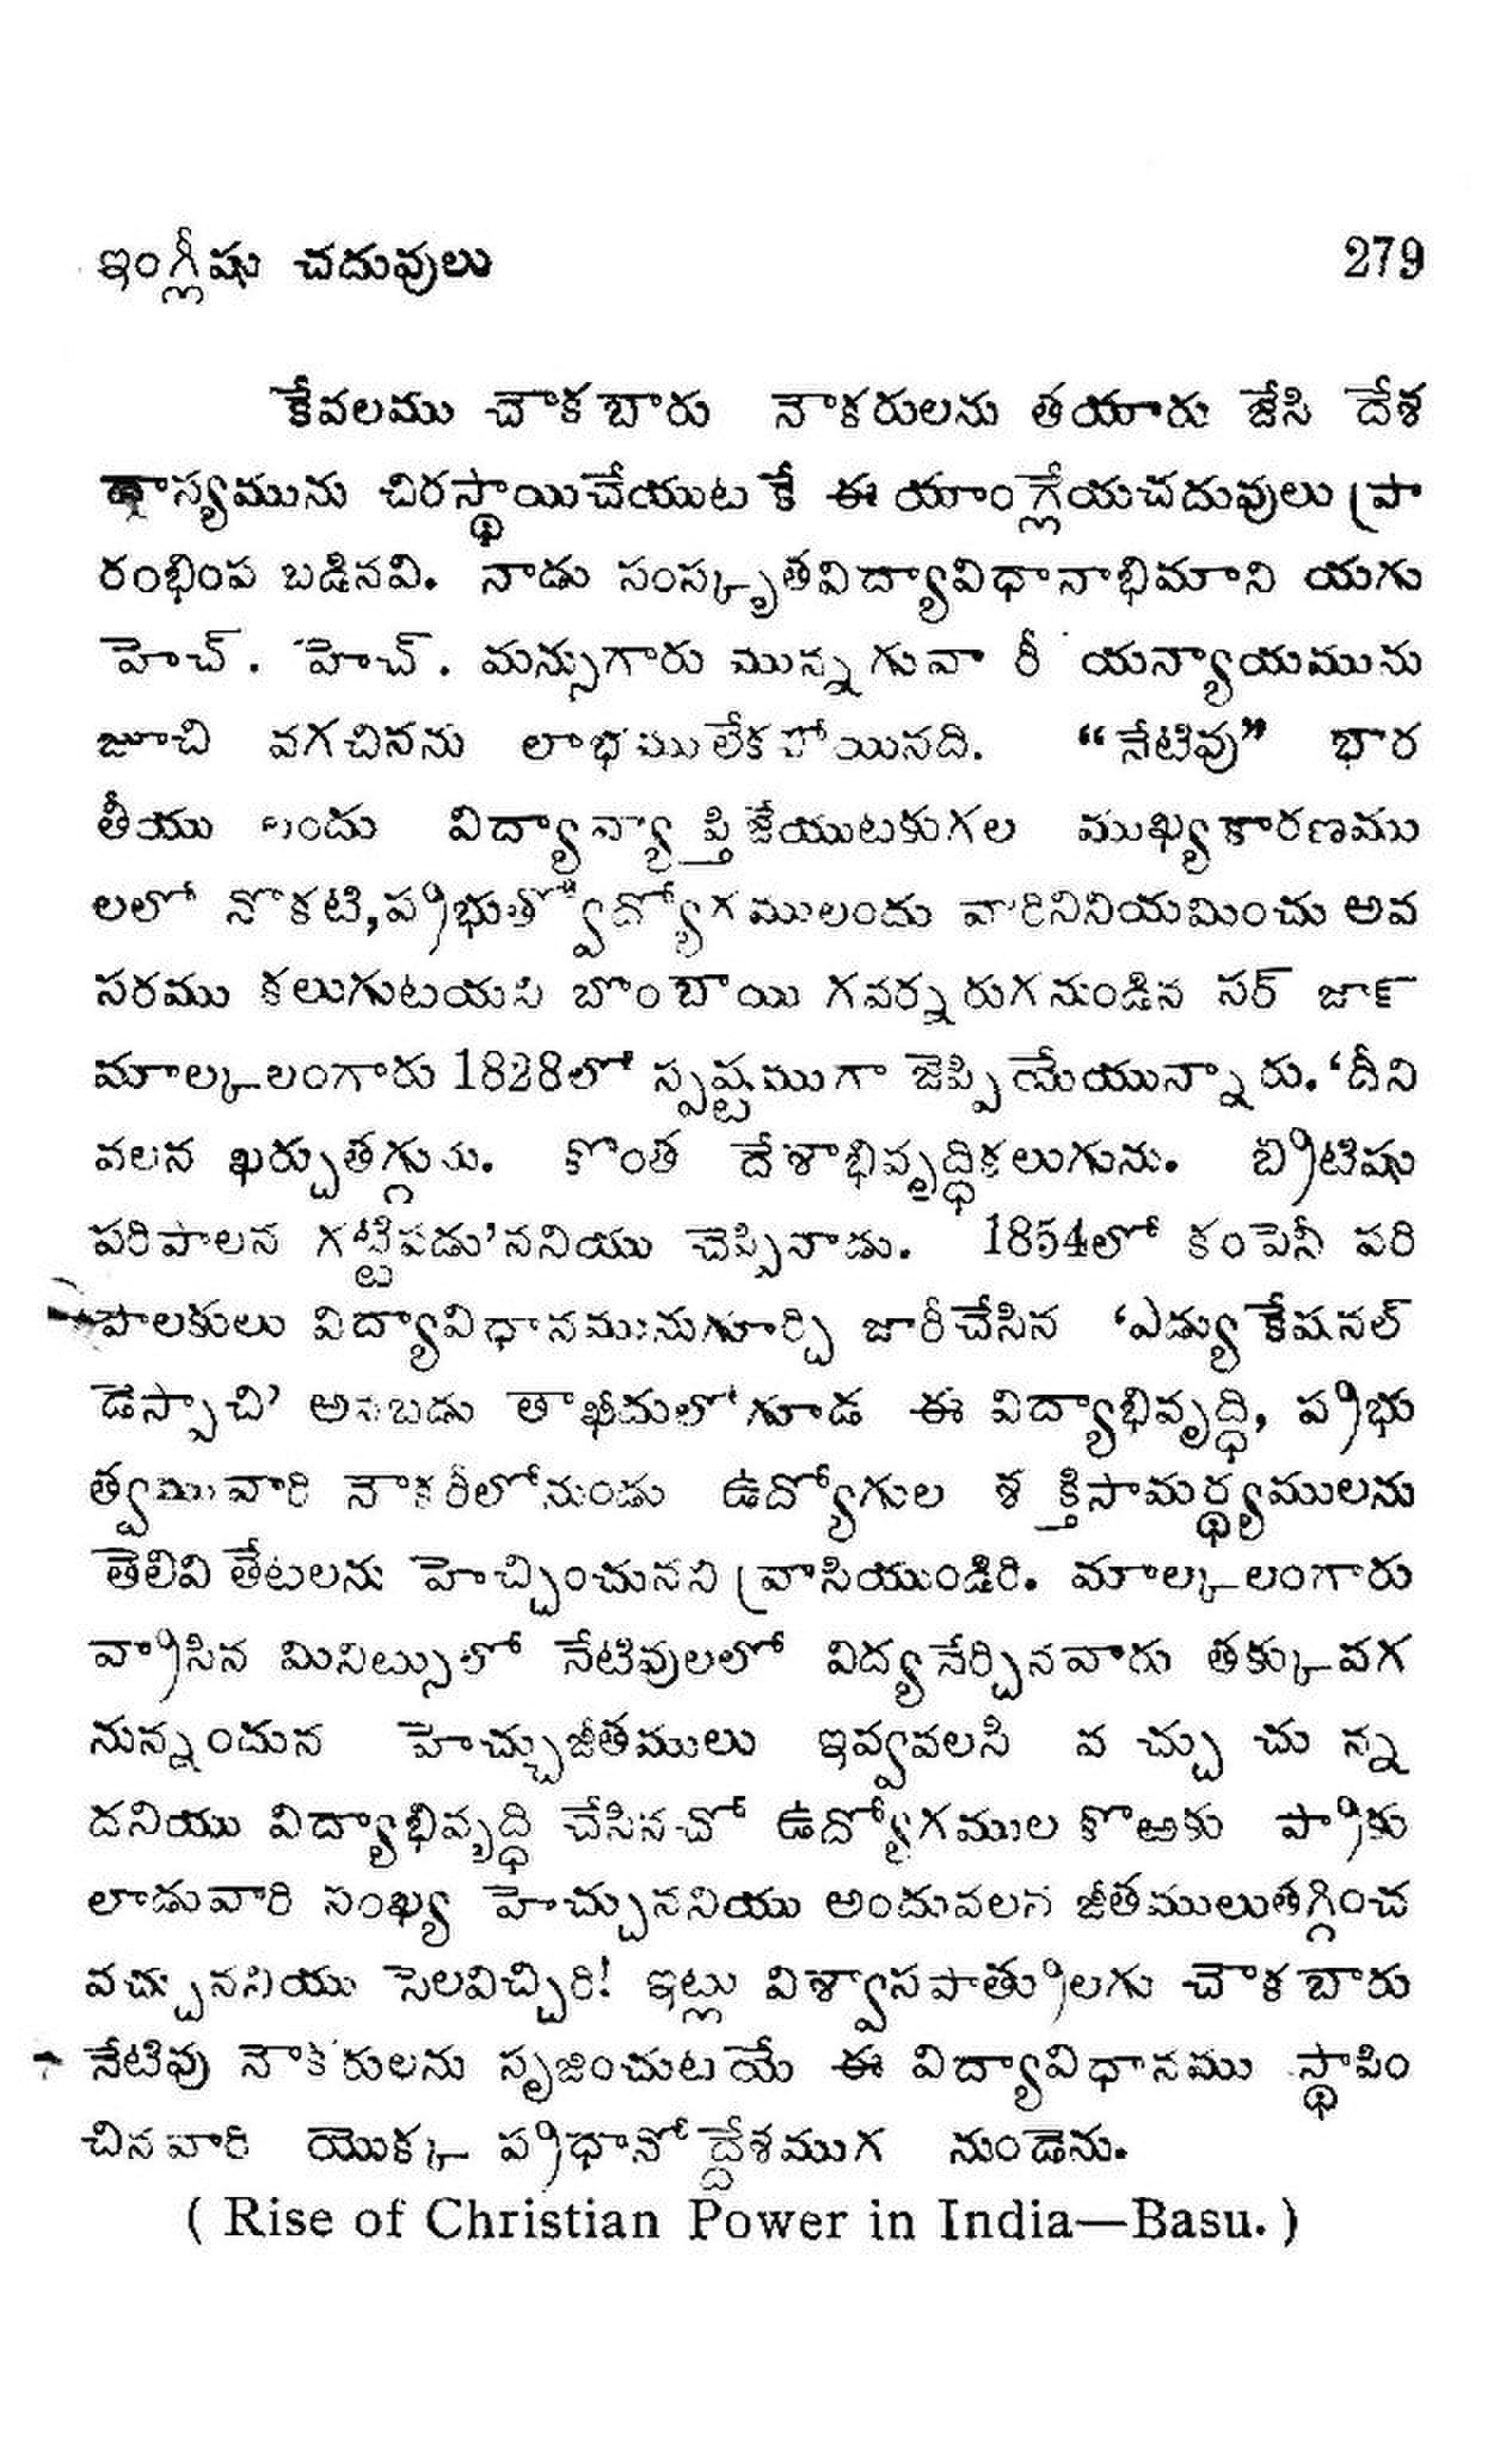కేవలము చౌకబారు నౌకరులను తయారు జేసి దేశ దాస్యమును చిరస్థాయిచేయుటకే ఈ యాంగ్లేయచదువులు ప్రారంభింప బడినవి. నాడు సంస్కృతవిద్యావిధానాభిమాని యగు హెచ్. హెచ్. మన్సుగారు మున్నగువా రీ యన్యాయమును జూచి వగచినను లాభములేకపోయినది. "నేటివు" భారతీయు లందు విద్యావ్యాప్తిజేయుటకుగల ముఖ్యకారణములలో నొకటి, ప్రభుత్వోద్యోగములందు వారినినియమించు అవసరము కలుగుటయని బొంబాయి గవర్నరుగ నుండిన సర్ జా౯ మాల్కలంగారు 1828లో స్పష్టముగా జెప్పియేయున్నారు. 'దీనివలన ఖర్చుతగ్గును. కొంత దేశాభివృద్ధికలుగును. బ్రిటిషుపరిపాలన గట్టిపడు' ననియు చెప్పినాడు. 1854లో కంపెనీ పరిపాలకులు విద్యావిధానమునుగూర్చి జారీచేసిన 'ఎడ్యుకేషనల్ డెస్పాచి' అనబడు తాఖీదులో గూడ ఈ విద్యాభివృద్ధి, ప్రభుత్వమువారి నౌకరీలోనుండు ఉద్యోగుల శక్తిసామర్థ్యములను తెలివితేటలను హెచ్చించునని వ్రాసియుండిరి. మాల్కలంగారు వ్రాసిన మినిట్సులో నేటివులలో విద్యనేర్చినవారు తక్కువగ నున్నందున హెచ్చుజీతములు ఇవ్వవలసి వచ్చుచున్న దనియు విద్యాభివృద్ధి చేసినచో ఉద్యోగముల కొఱకు ప్రాకులాడువారి సంఖ్య హెచ్చుననియు అందువలన జీతములుతగ్గించ వచ్చుననియు సెలవిచ్చిరి! ఇట్లు విశ్వాసపాత్రులగు చౌకబారు నేటివు నౌకరులను సృజించుటయే ఈ విద్యావిధానము స్థాపించినవారి యొక్క ప్రధానోద్దేశముగ నుండెను. ( Rise of Christian Power in India-Basu. )